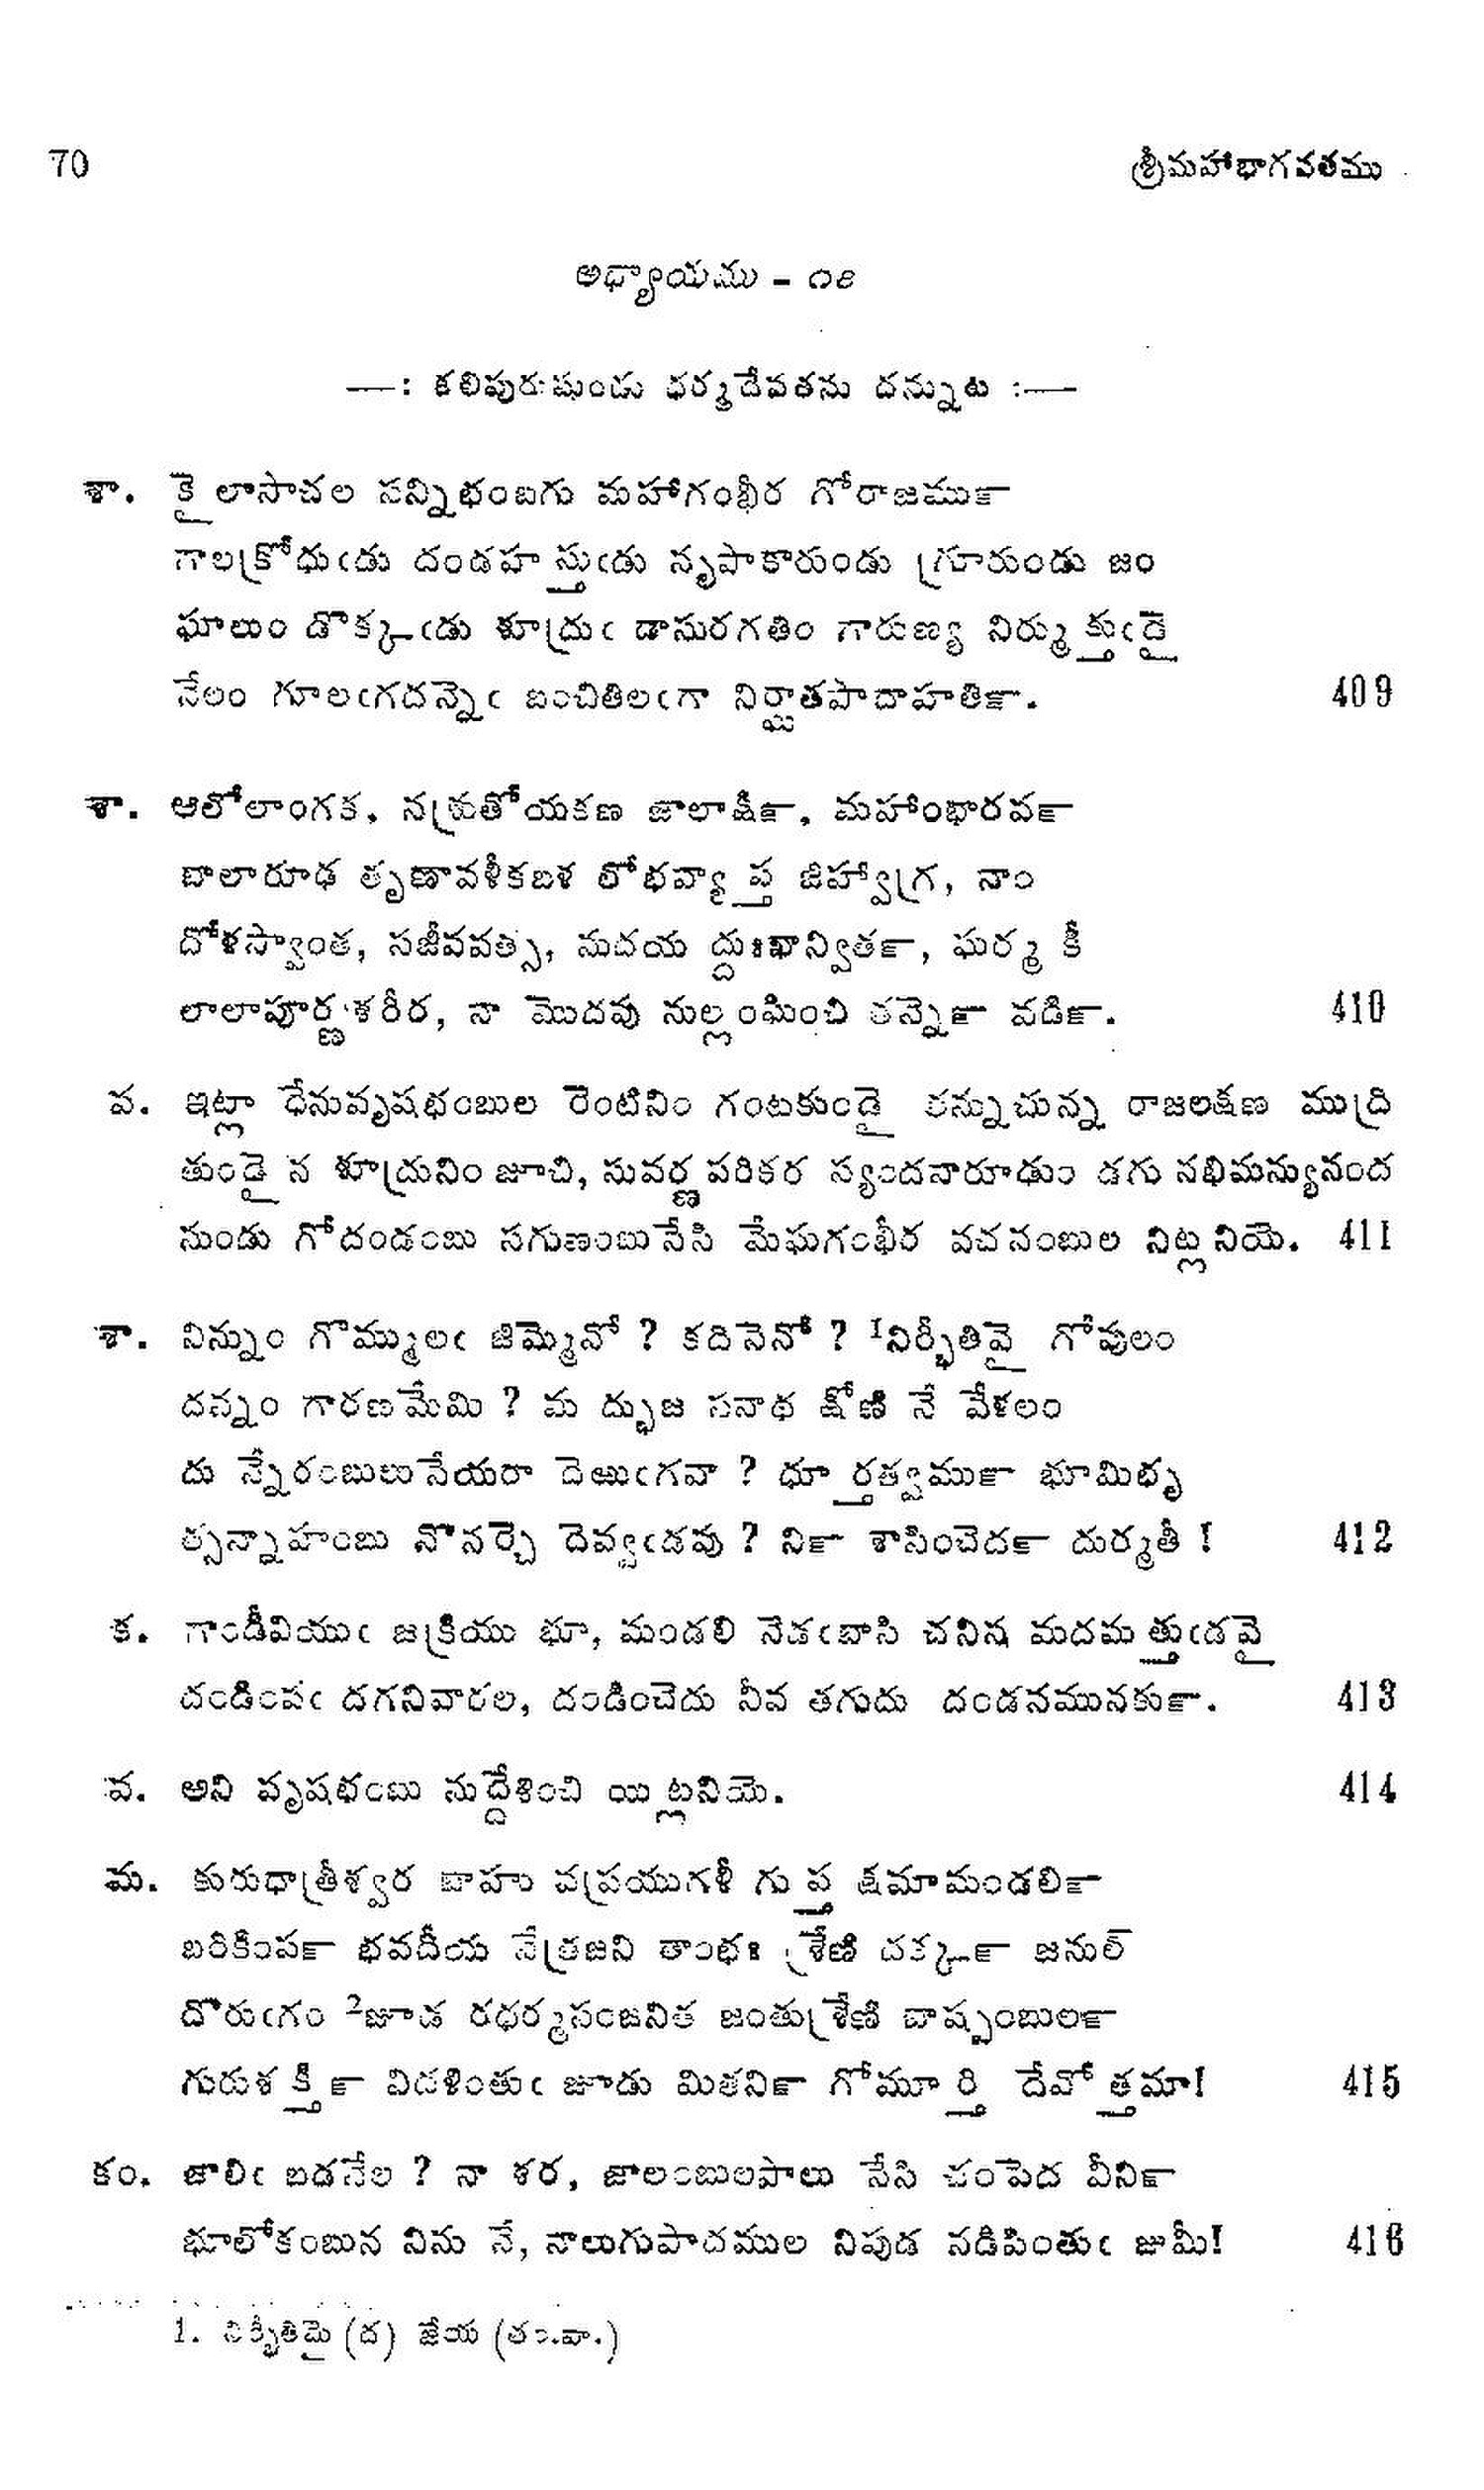70

శా. కైలాసాచల సనీభంబగు మహాగంభీర గోరాజమున్

గాలక్రోధుఁడు దండహస్తుఁడు నృపాకారుండు గ్రూరుండు జం

ఘాలుం డొక్కఁడు శూద్రుఁ డాసురగతిం గారుణ్య నిర్ముక్తుఁడై

నేలం గూలఁగదన్నెఁ బంచితిలఁగా నిర్ఘాతపాదాహతిన్ . (409)

శా. ఆలోలాంగక, నశ్రుతోయకణ జాలాక్షిన్, మహాంభారవన్

బాలారూఢ తృణవళీకబళ లోభవ్యాప్త జిహ్వాగ్ర, నాం

దోళస్వాంత సజీవవత్స, నుదయ ద్దుఃఖాన్వితన్, ఘర్మ కీ

లాలాపూర్ణ శరీర నా మొదవు నులంఘించి తన్నెన్ వడిన్ .(410)

వ. ఇట్లా ధేనువృషభంబుల రెంటినిం గంటకుండై తన్నుచున్న రాజలక్షణ ముద్రితుండైన శూద్రునిం జూచి, సువర్ణ పరికర స్యందనారూఢుం డగ నభిమన్యునంద నుండు గోదండంబు సగుణంబు శేసి మేఘగంభీర వచనంబుల నిట్లనియె. (411)

శా. నిన్నుం గొమ్ములఁ జిమ్మెనో ? నిర్భీతివై గోవులం

దన్నం గారణమేమి ? మ ద్భుజ సనాథ క్షోణి నే వేళలం

దు న్నేరంబులు శెయురా దెఱుఁగవా ? ధూర్తత్వమున్ భూమిభృ

త్సన్నాహంబు నొనర్చె దెవ్వఁడవు ? నిన్ శాపించెదన్ దుర్మతీ ! (412)

క. గాండీవియుఁ జక్ర్రియు భూ, మండలి నెడఁబాసి చనిన మదమత్తుఁడవై 

దండింపఁ దగనివారల, దండించెదు నీవ తగదు దండనమునకున్. (413)

వ. అని వృషభంబు నుద్దేశించి యిట్లనియె . (414)

మ. కురుధాత్రీశ్వర బాహు వప్రతుగళీ గుప్త క్షమామండలిన్

బరికింపన్ భవదీయ నేత్రజనితాంభః శ్రేణి దక్కన్ జనల్

దొరుఁగం జూడ రధర్మసంజనిత జంతుశ్రేణి బాష్పంబులన్

గురుభక్తిన్ విసళింతుఁ జూడు మితనిన్ గోమూర్తి దేవోత్తమా ! (415)

క. జాలిఁ బడనేల ? నాశర,జాలంబుపాలు సేసి చంఓద వీనిన్

భూలోకంబున నిను నే, నాలుగుపాదముల నిపుడ నడిపింఁతు జుమీ ! (416)